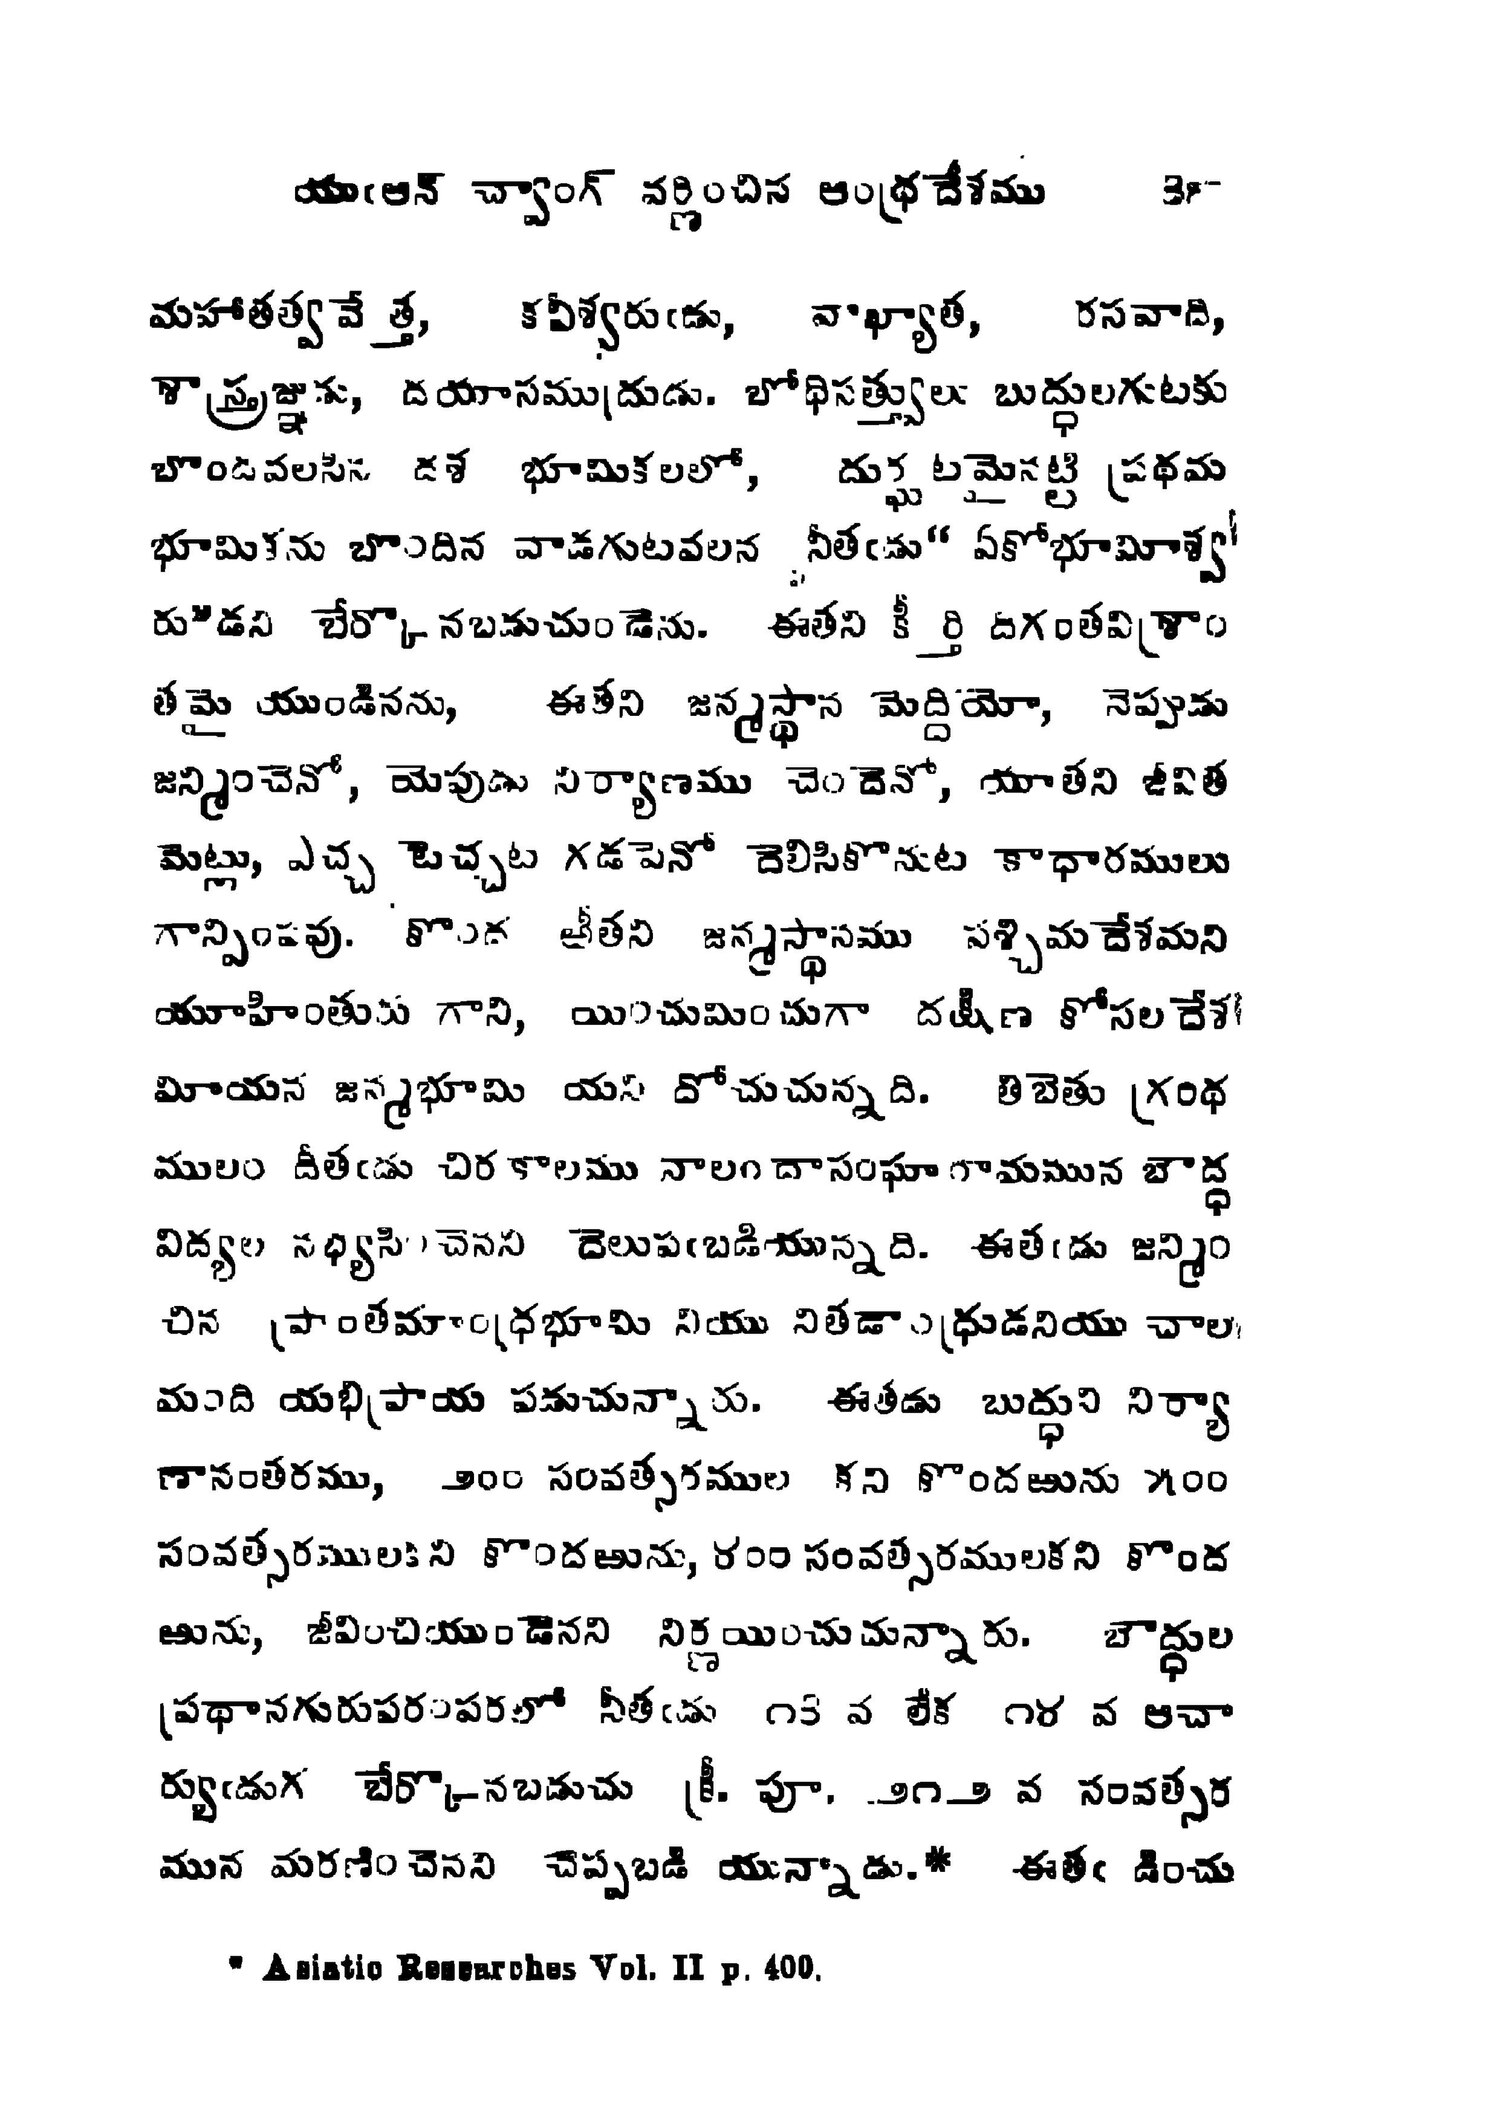మహాతత్వవేత్త, కవీశ్వరుడు, వాఖ్యాత, రసవాది, శాస్త్రజ్ఞుడు, దయాసముద్రుడు, బోథిసత్త్వులు బుద్ధులగుటకు బొందవలసిన దశ భూమికలలో, దుర్ఘటమైనట్టి ప్రథమ భూమికను బొందిన వాడగుటవలన నీతడు "ఏకోభూమీశ్వరు"డని బేర్కొనబడుచుండెను. ఈతని కీర్తి దిగంతవిశ్రాంతమై యుండినను, ఈతని జన్మస్థాన మెద్దియో, నెప్పుడు జన్మించెనో, యెపుడు నిర్యాణము చెందెనో, యాతని జీవిత మెట్లు, ఎచ్చ టెచ్చట గడసెనో దెలిసికొనుట కాధారములు గాన్పింపవు. కొంద ఱీతని జన్మస్థానము పశ్చిమదేశమని యూహింతురు గాని, యించుమించుగా దక్షిణ కోసలదేశ మీయన జన్మభూమి యని దోచుచున్నది. తిబెతు గ్రంథములం దీతడు చిరకాలము నాలందా సంఘారామమున బౌద్దవిద్యల నభ్యసించెనని దెలుపబడియున్నది. ఈతడు జన్మించిన ప్రాంతమాంధ్రభూమి నియు నితడాంధ్రుడనియు చాలామంది యభిప్రాయ పడుచున్నారు. ఈతడు బుద్ధుని నిర్యాణానంతరము, 200 సంవత్సరముల కని కొందఱును 500 సంవత్సరములకని కొందఱును, 400 సంవత్సరములకని కొందఱును, జీవించియుండెనని నిర్ణయించుచున్నారు. బౌద్ధుల ప్రథానగురుపరంపరలో నీతడు 13 వ లేక 14 వ ఆచార్యుడుగ బేర్కొనబడుచు క్రీ. పూ 212 వ సంవత్సరమున మరణించెనని చెప్పబడి యున్నాడు. ఈత డించు